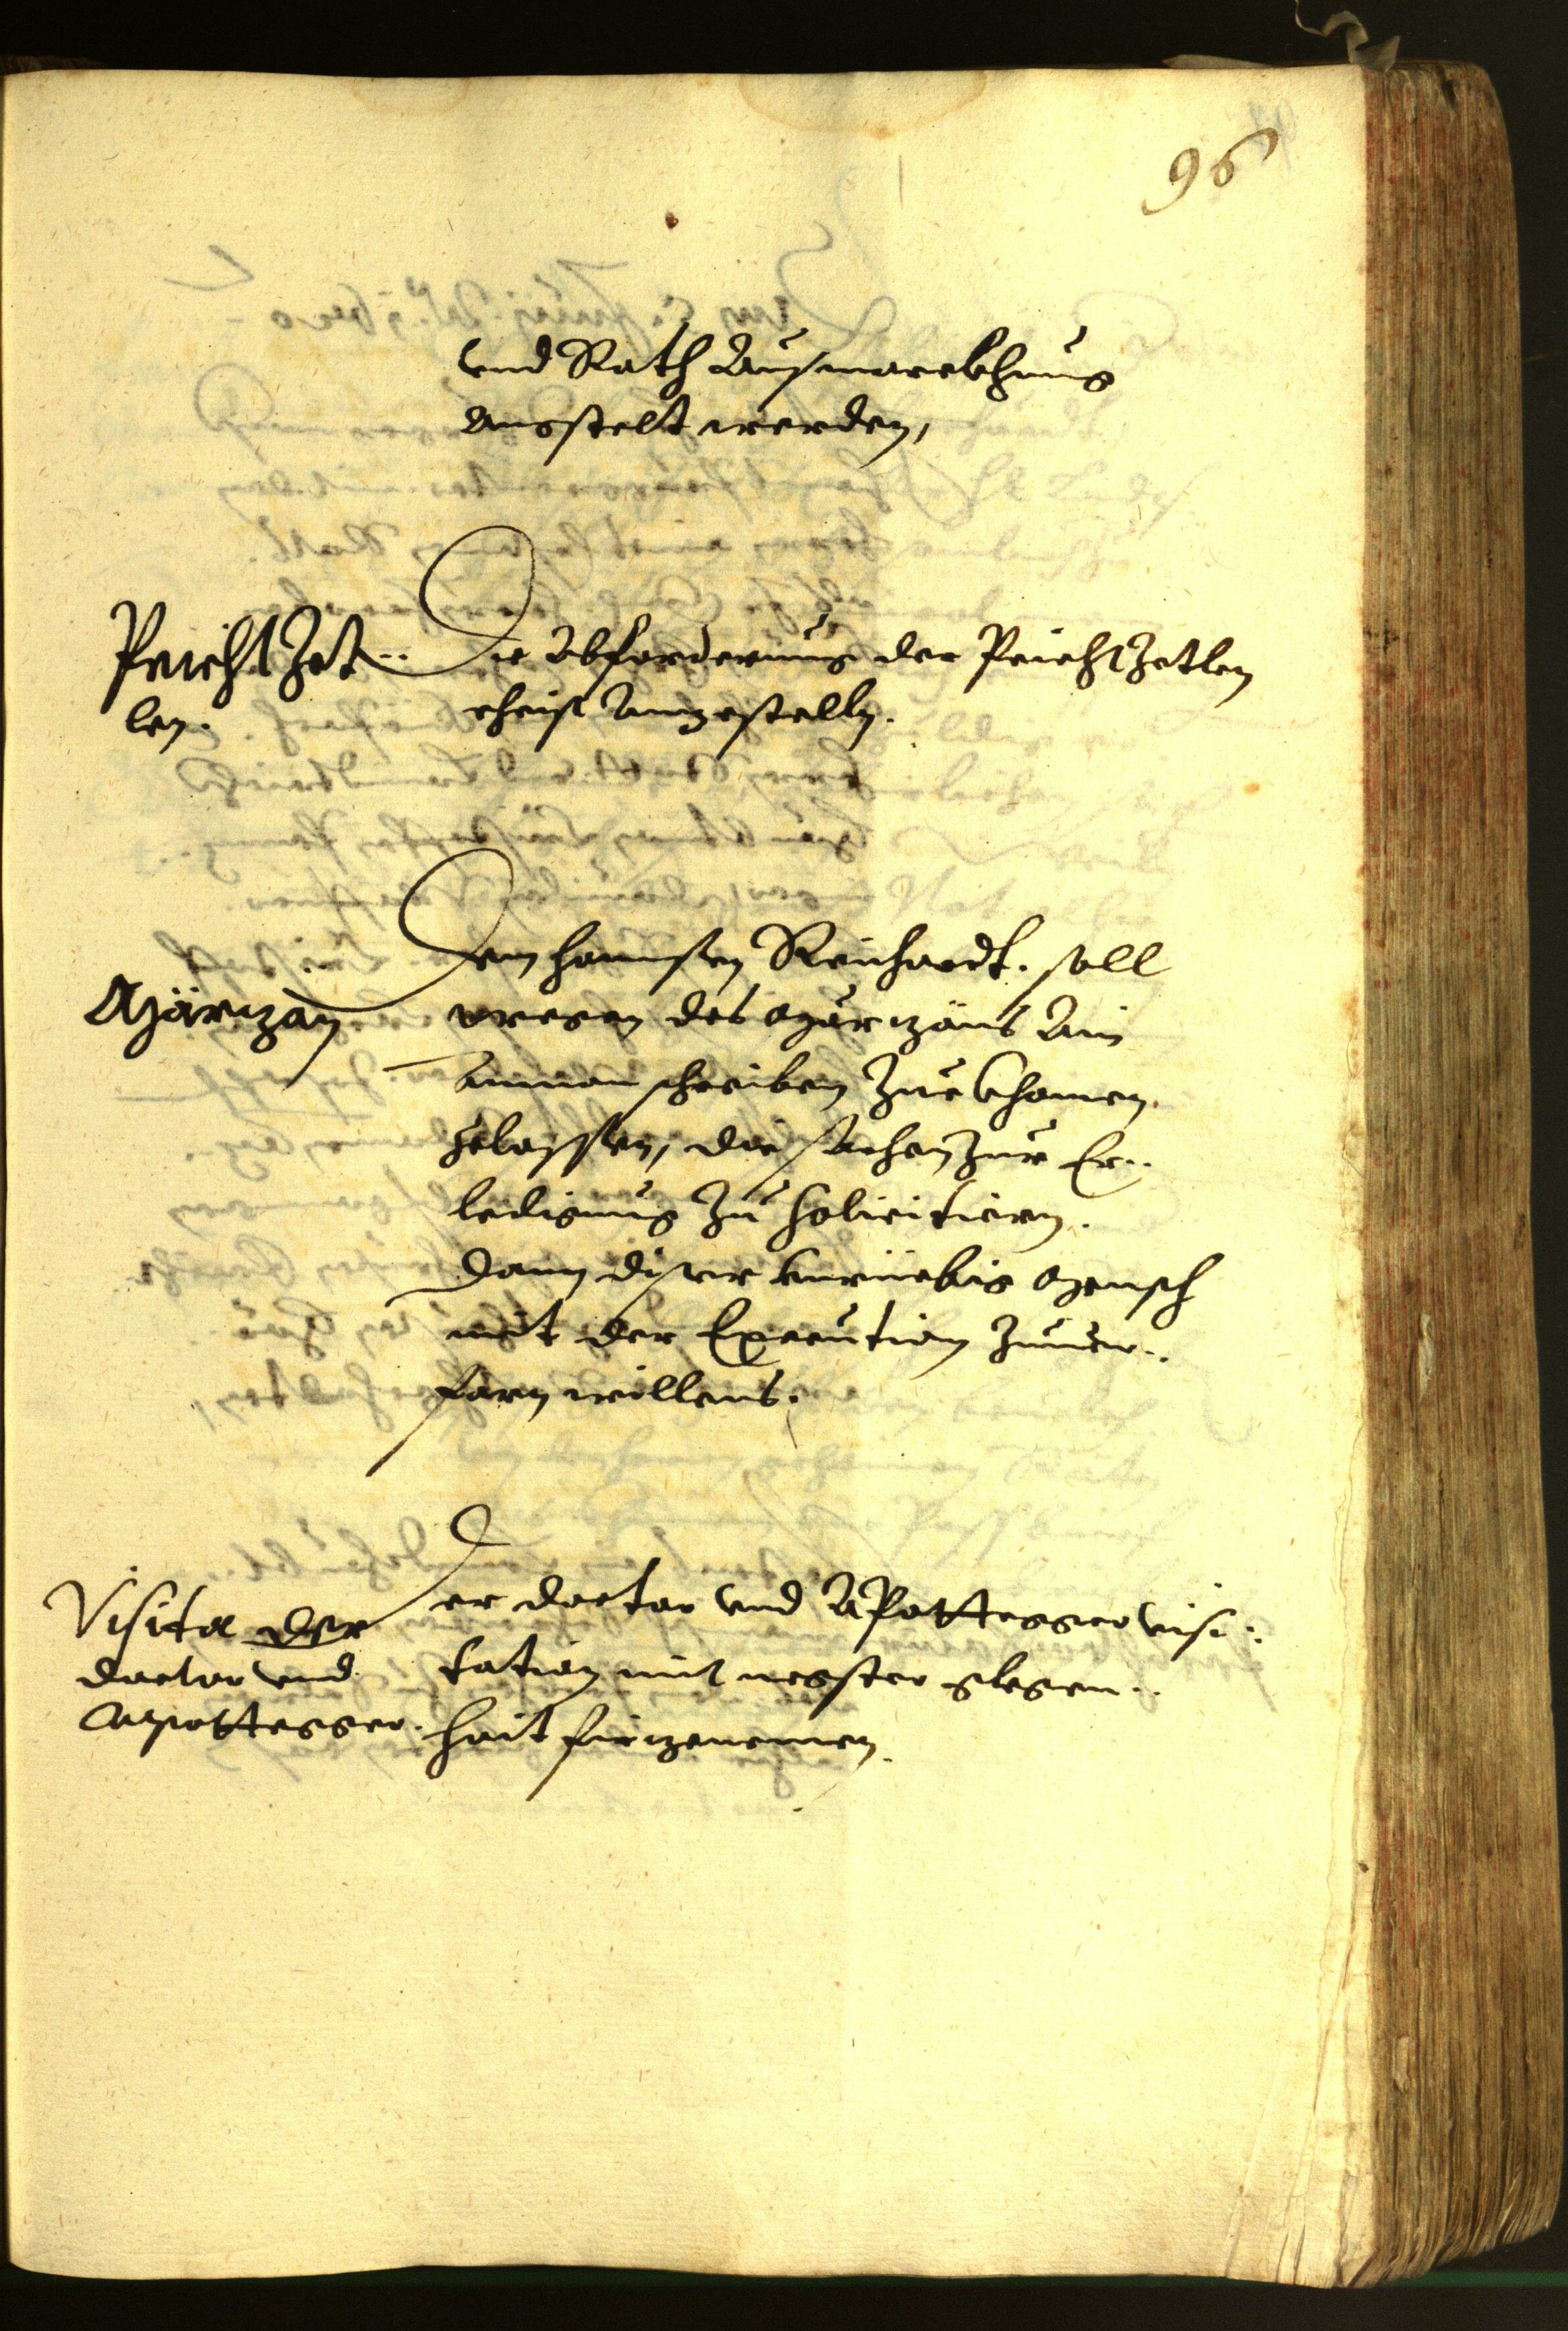96
vnd Rath Aūsmarckhūng
Angstelt werden,
Die Abforderūng der Peicht Zetlen
ehist Anzestelln.
Peicht Zet¬
len.
Dem hannsen Reichardt. soll
wegen des Mārzäns Ain
Anmanschreiben Zūe khomen
Zelassen, die Sachen Zūr Er¬
ledigūng Zū solicitern.
dann diser vnrüebig Mensch
mit der Execūtion Zūūer¬
farn willens.
Märzän
Der doctor vnd APottegger visi¬
tation mit negster glegen¬
hait firzenemen.
Visita der
doctor vnd
Apottegger.